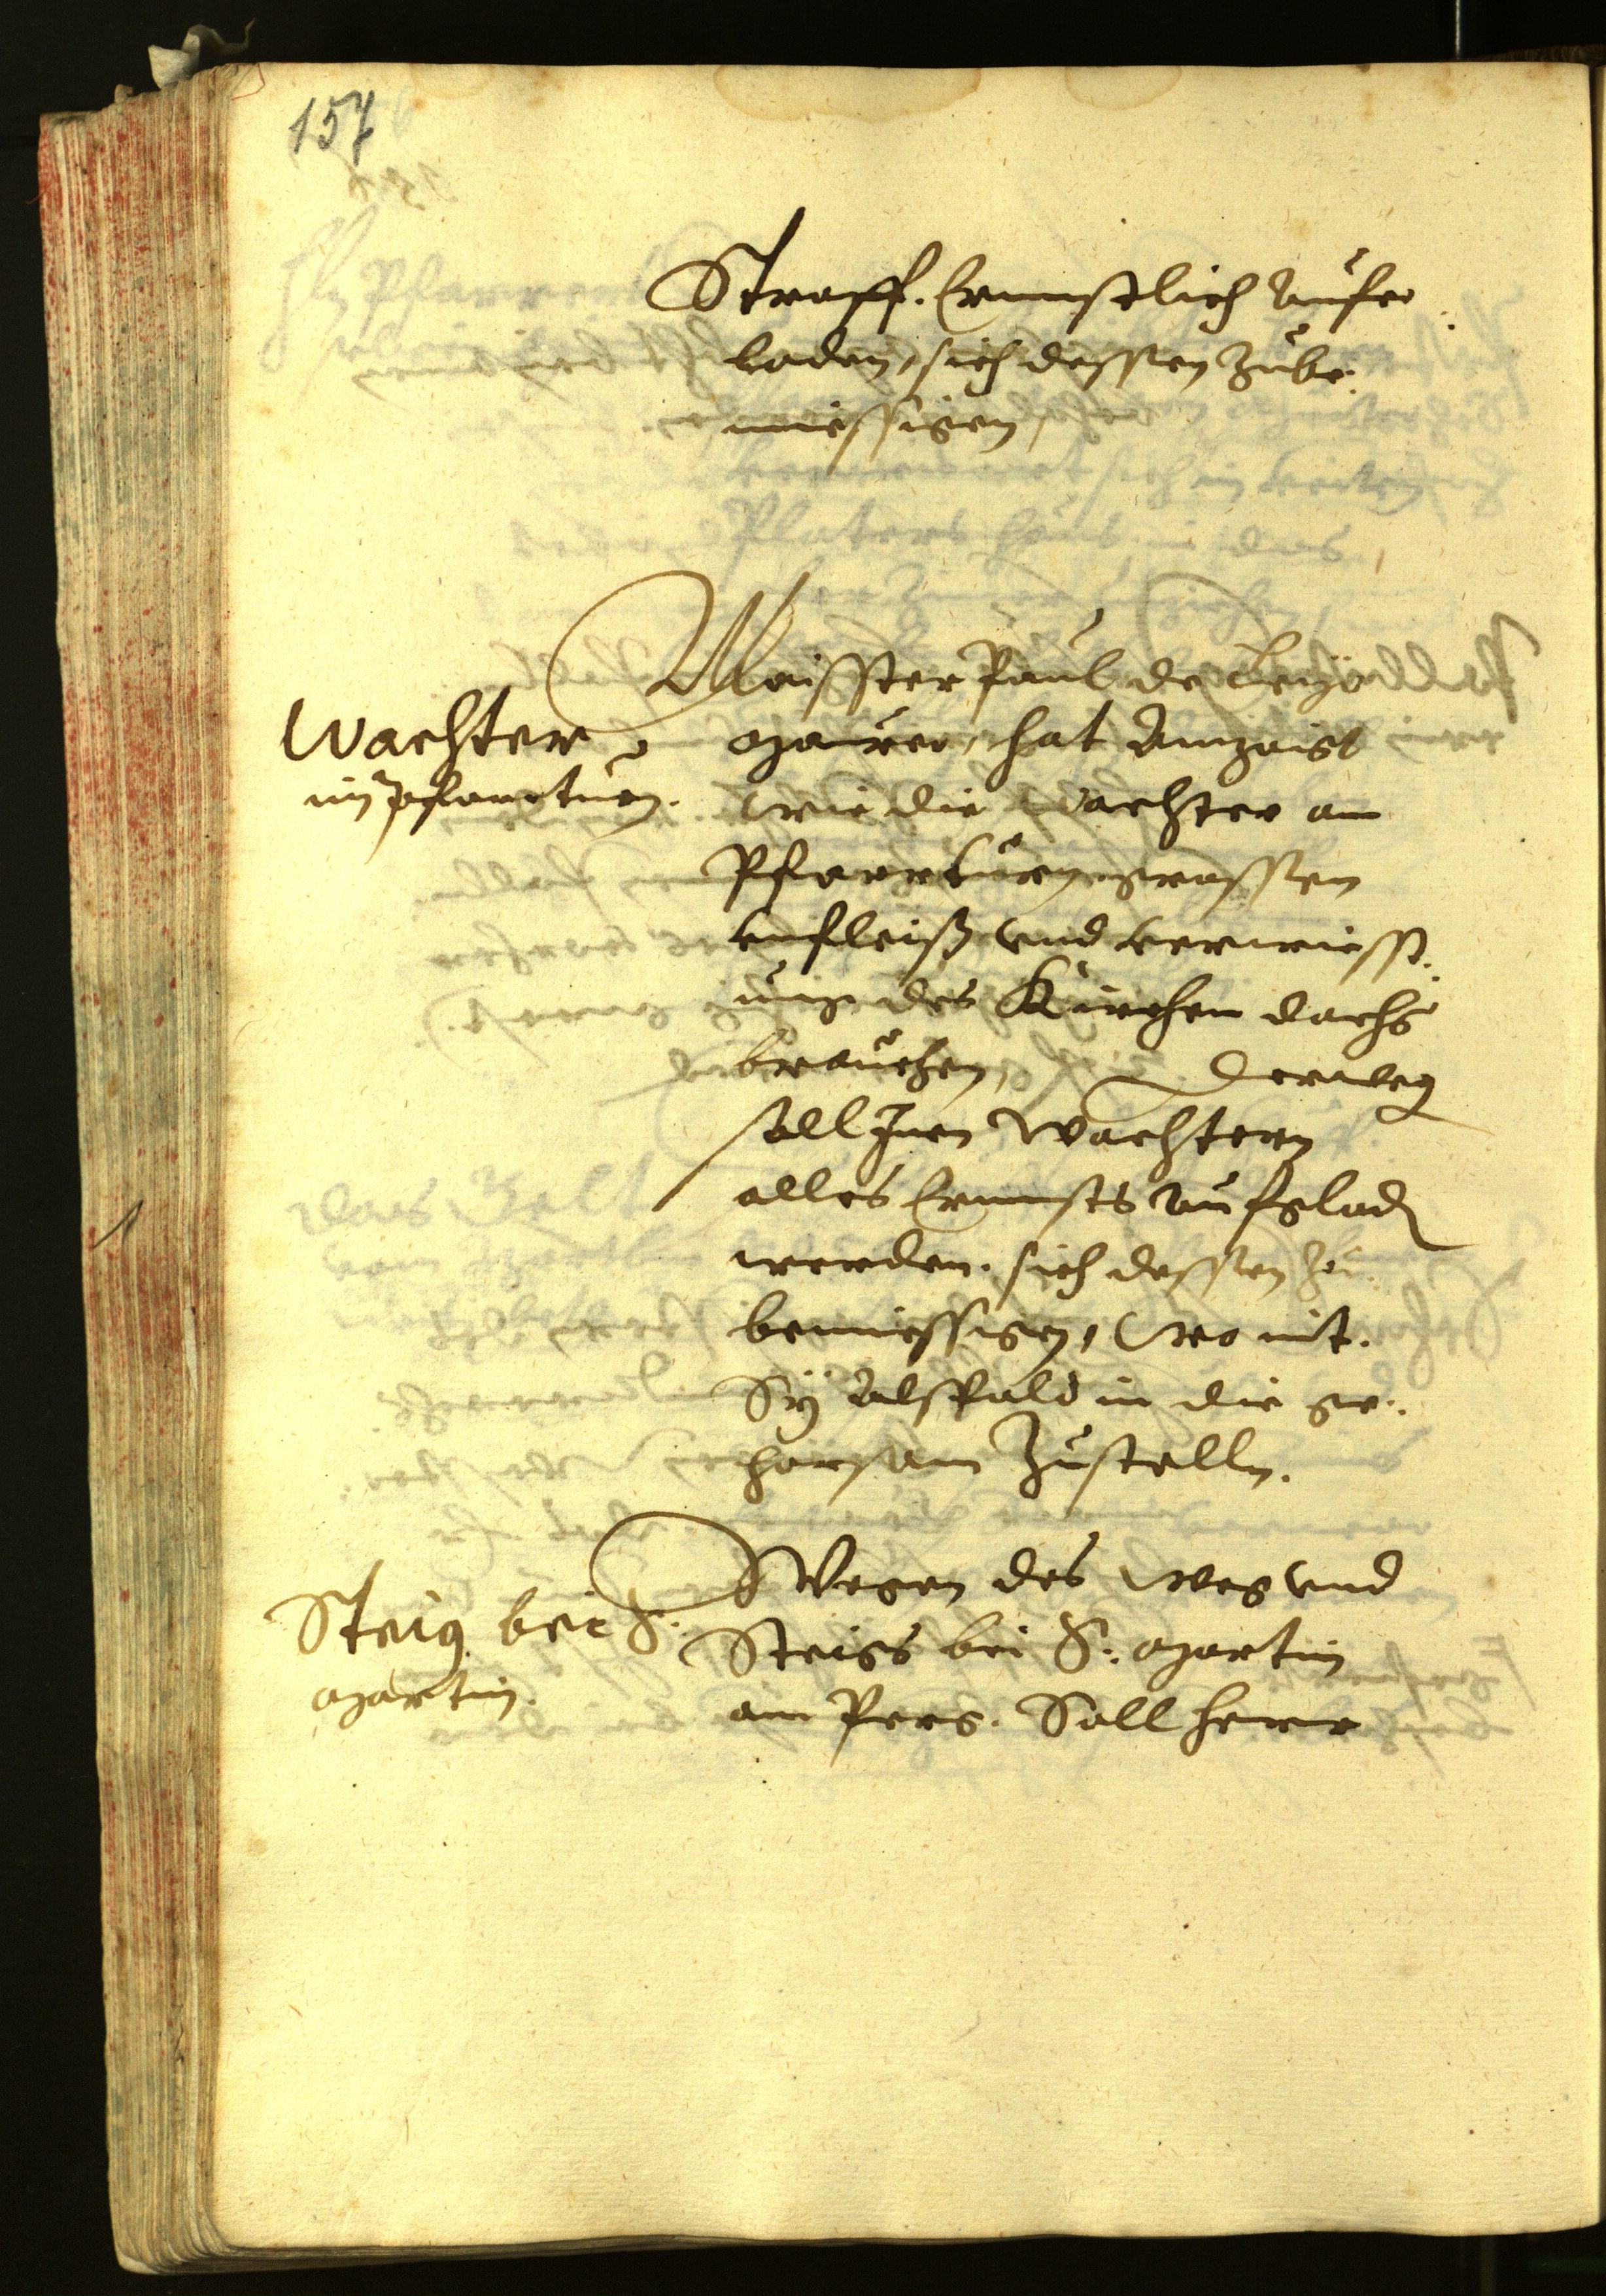157
Straff. Ernnstlich Aūfer¬
laden, sich dessen Zūbe¬
miessigen
Maisster Paūl de Leÿ
Maūrer, hat Anzaigt
wie die Wachter am
Pfarrtūrn grossen
vnfleiß vnd verwiesst¬
ūng des Kirchen dachs
braūchen, Derweg
soll Inen Wachtern
alles Ernnsts Aūfglad
werden. sich dessen Zū¬
bemiessigen, wo nit.
Sÿ AlsPald in die ge¬
horsam Zūstelln.
Wegen des Weg vnd
Steigs bei S: Martin
am Perg. Soll herr
Wachter
im Pfarrtūrn.
Steig bei S:
Martin.